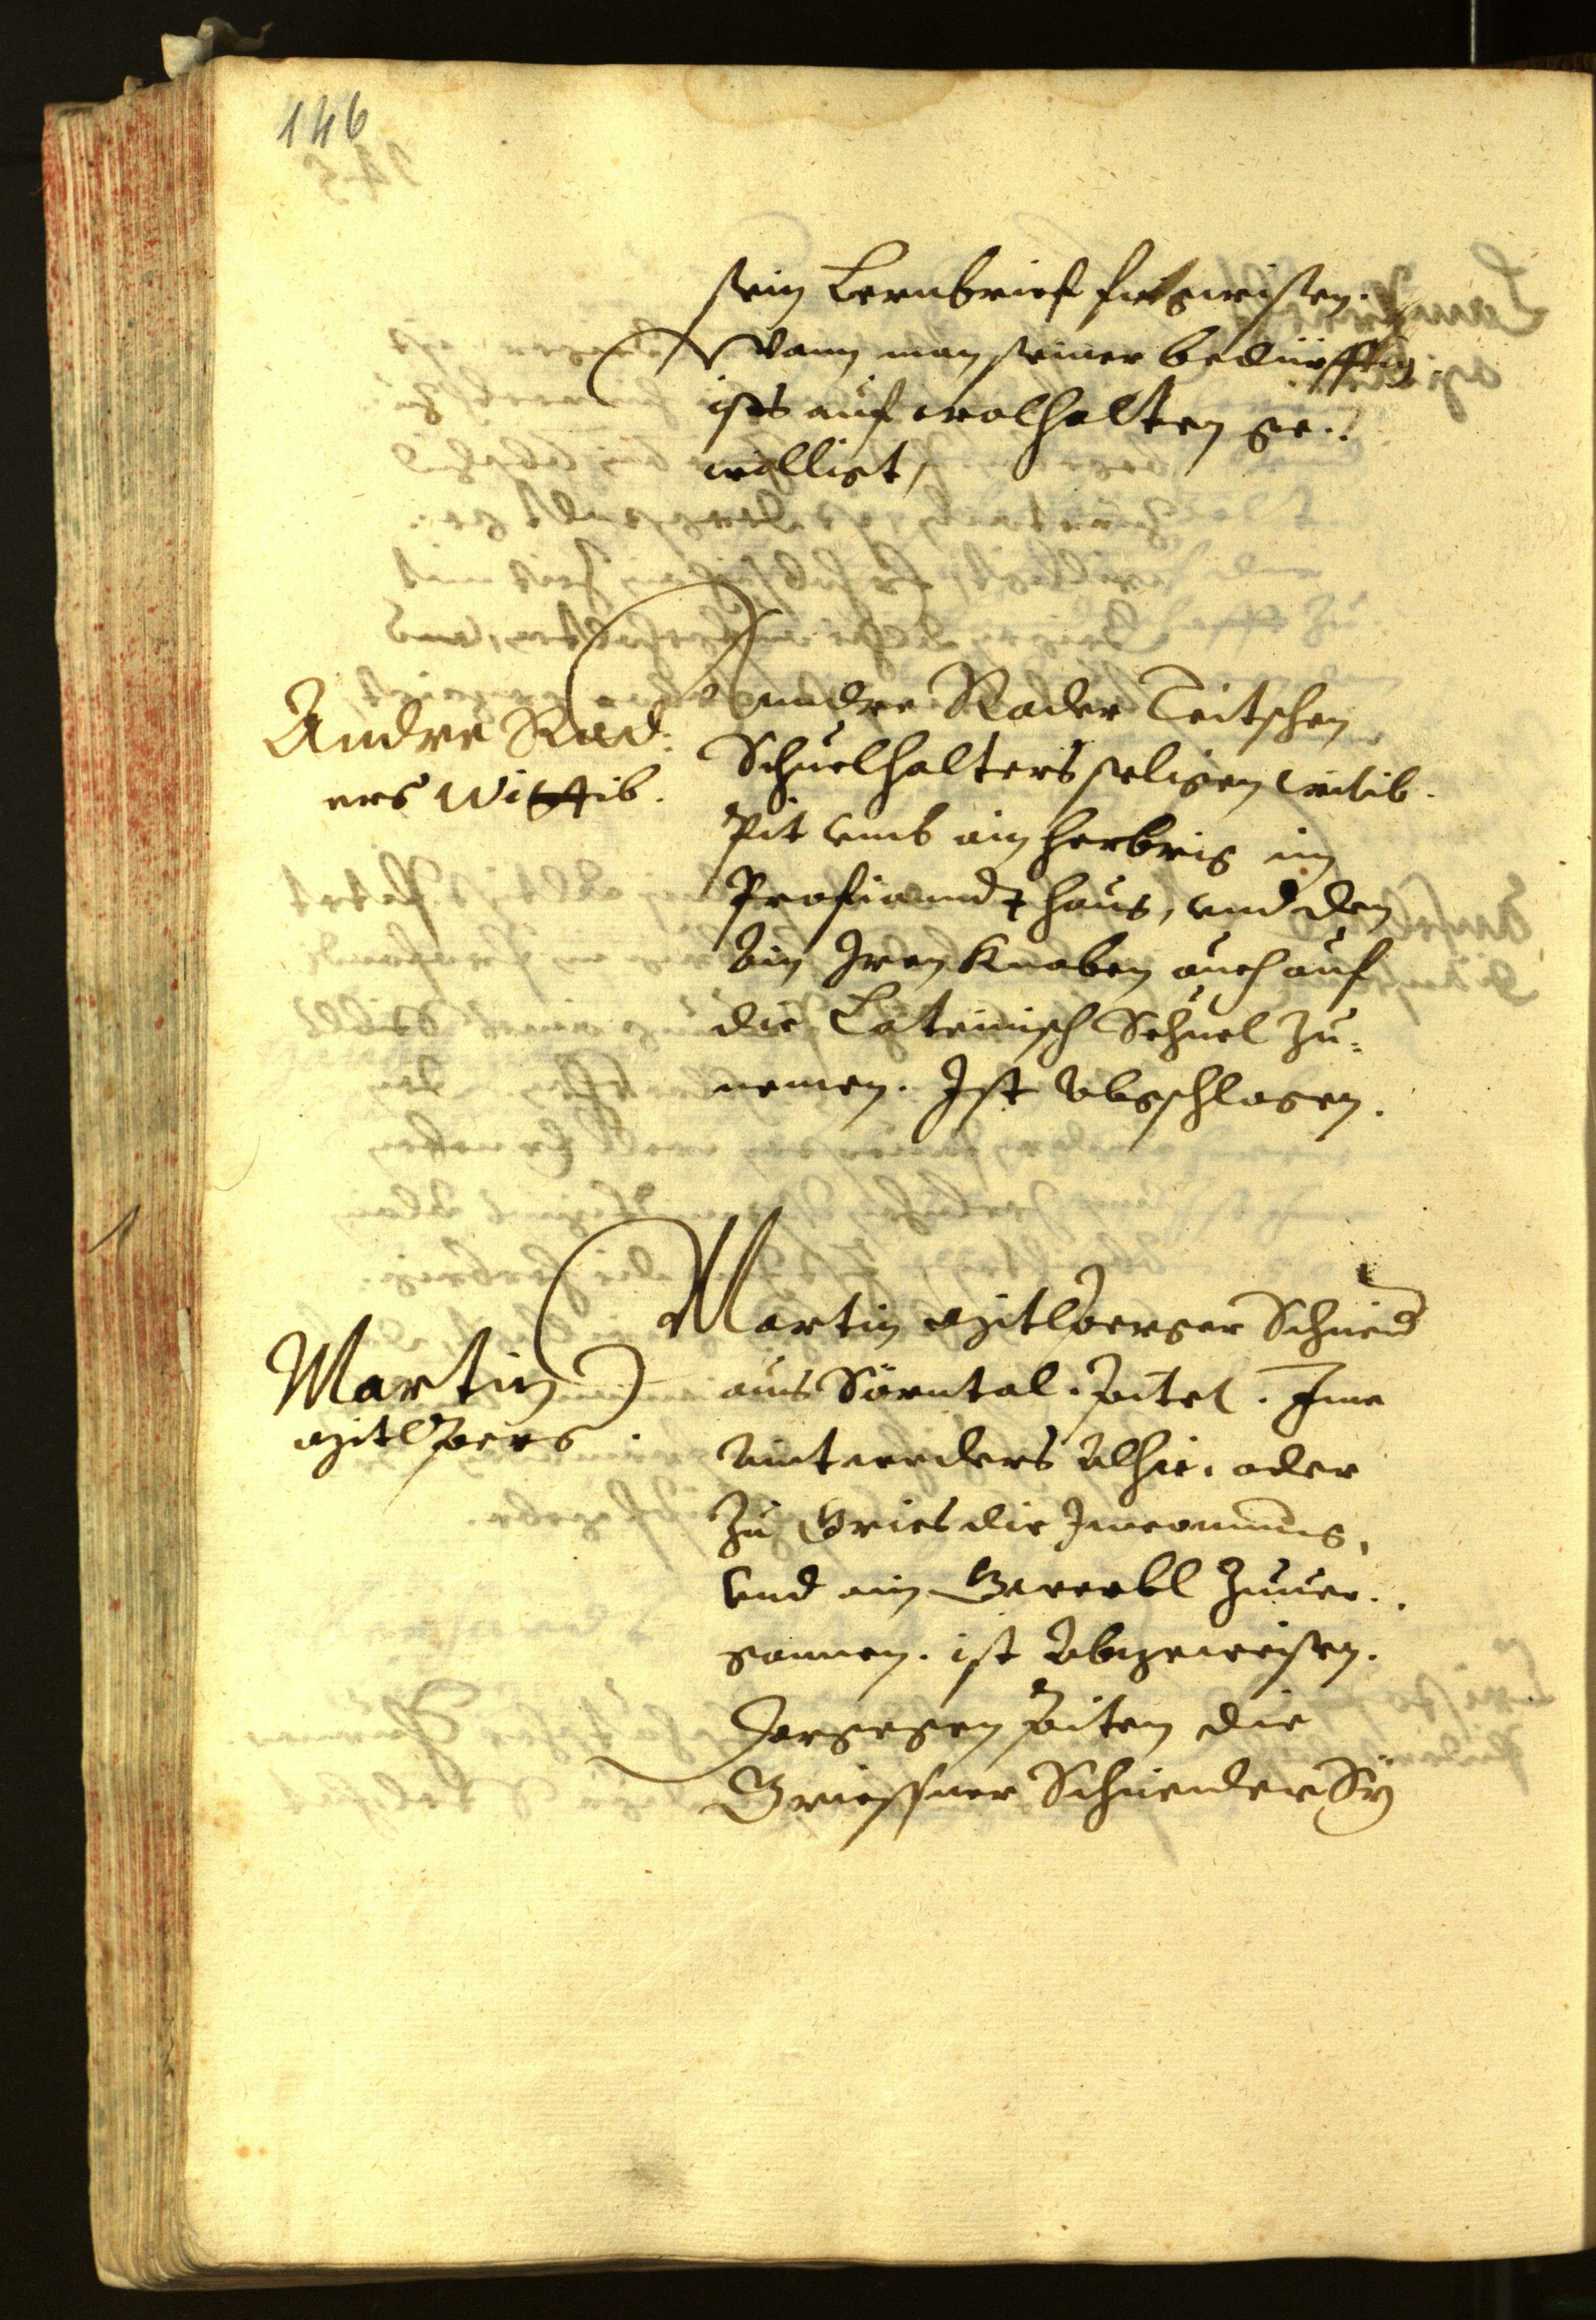146
sein Lernbrief fir gwisen.
Wann man seiner bedürfftig.
ists aūf wolhalten ge¬
willigt,
Anndre Rader Teitschen
Schūelhalters seligen witib.
Pit vmb ain herbrig im
Profianndthaūs, vnd den
Ain Iren Knaben aūch aūf
die Lateinisch Schūel Zū¬
nemen. Ist Abgschlagen.
Andre Rad¬
ers Wittib.
Martin Mitlperger Schneid
aūs Särntal. Pitet. Ime
Aintweders Alhie. oder
Zū Gries die Inwonūng.
vnd ain Gwerbl Zūūer¬
gonnen ist Abzeweisen.
Dargegen Piten die
Griessner Schneider Sÿ
Martin
Mitlperg.